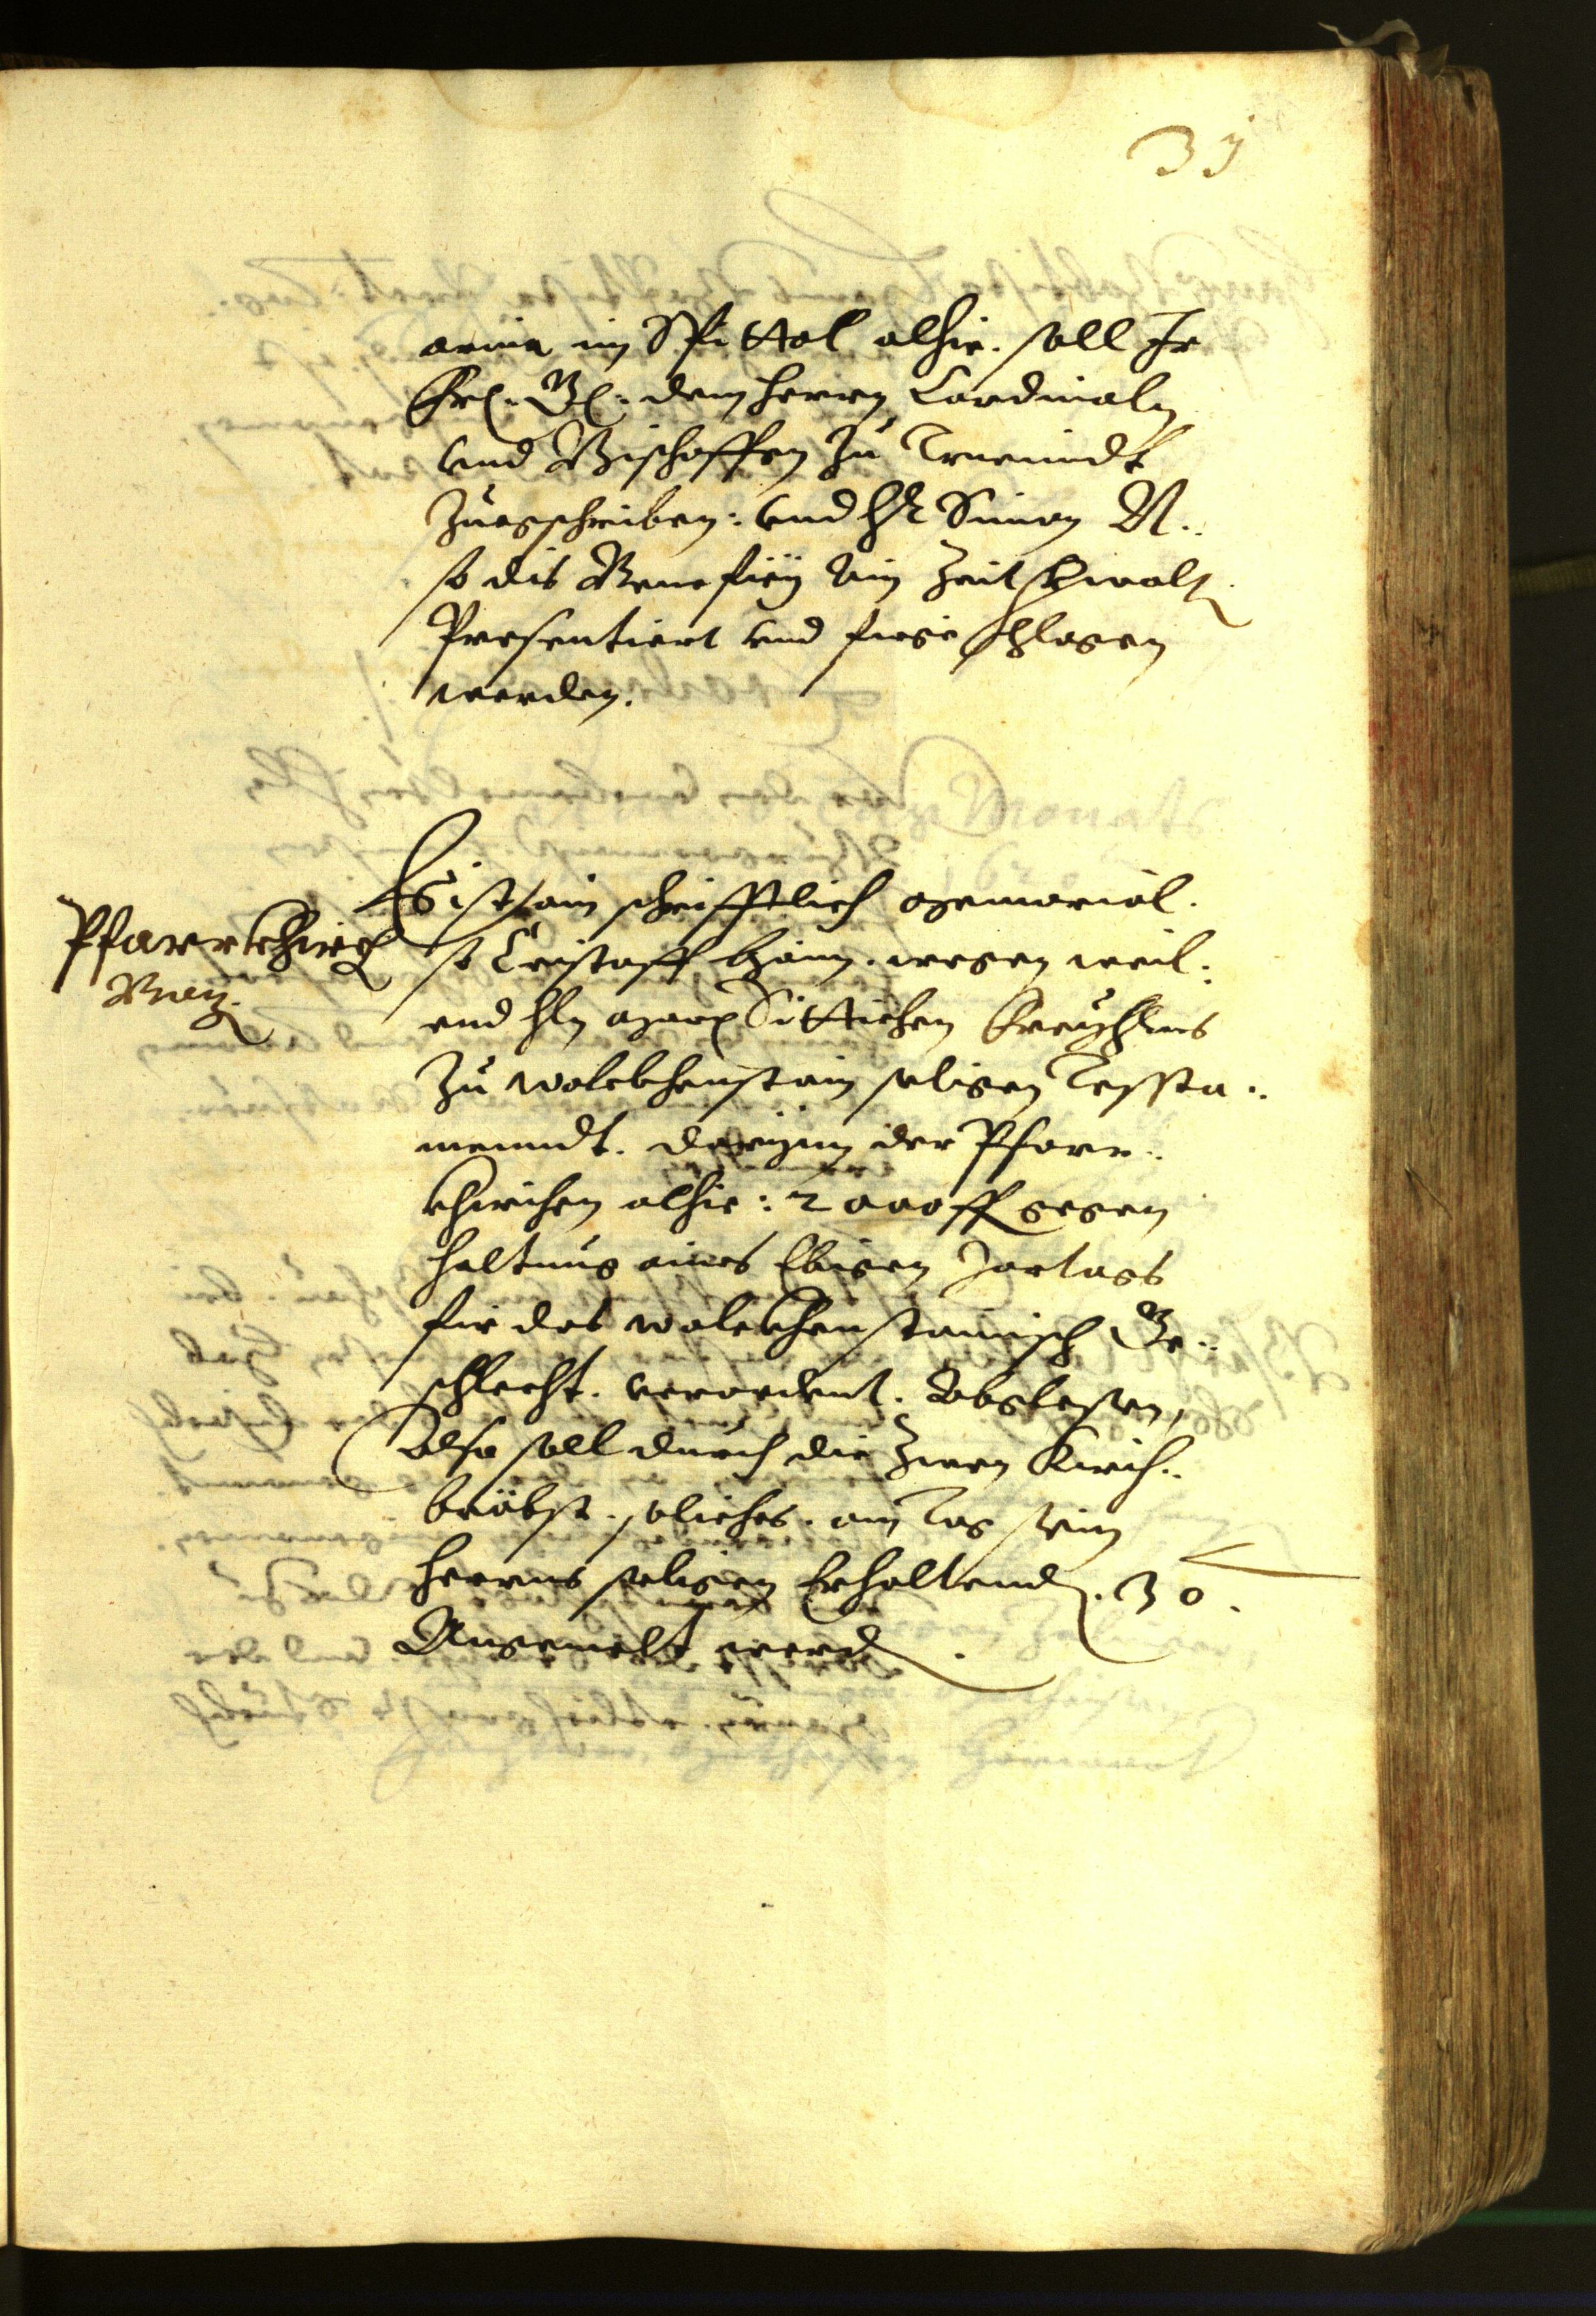31
arina im SPittal alhie. soll Ir
Frl. G: dem Herrn Cardinaln
vnd Bischoffen Zū Trienndt
Zūegeschriben: vnd hl Simon N.,
so dis Beneficÿ Ain Zeit vwalt
Presentiert vnd firge schlagen
werden.
Es ist ain schrifftlich Memorial.
So Cristoff Haim. wegen weil¬
end hln Marx Sittichen Freȳherrns
Zū Wolckhenstain seligen Tessta¬
menndt. darÿnn der Pfarr¬
khirchen alhie: 2000 fl gegen
haltūng aines Ewigen Jartags
fir das wolckhenstainisch Ge¬
schlecht. verordent. Abglesen.
Also soll dūrch die Zwen Kirch¬
bröbst. soliches. am Tag sein
Herrens seligen Erhaltend. 30 t.
Angemelt werd.
Pfarrkhirch
Boz.